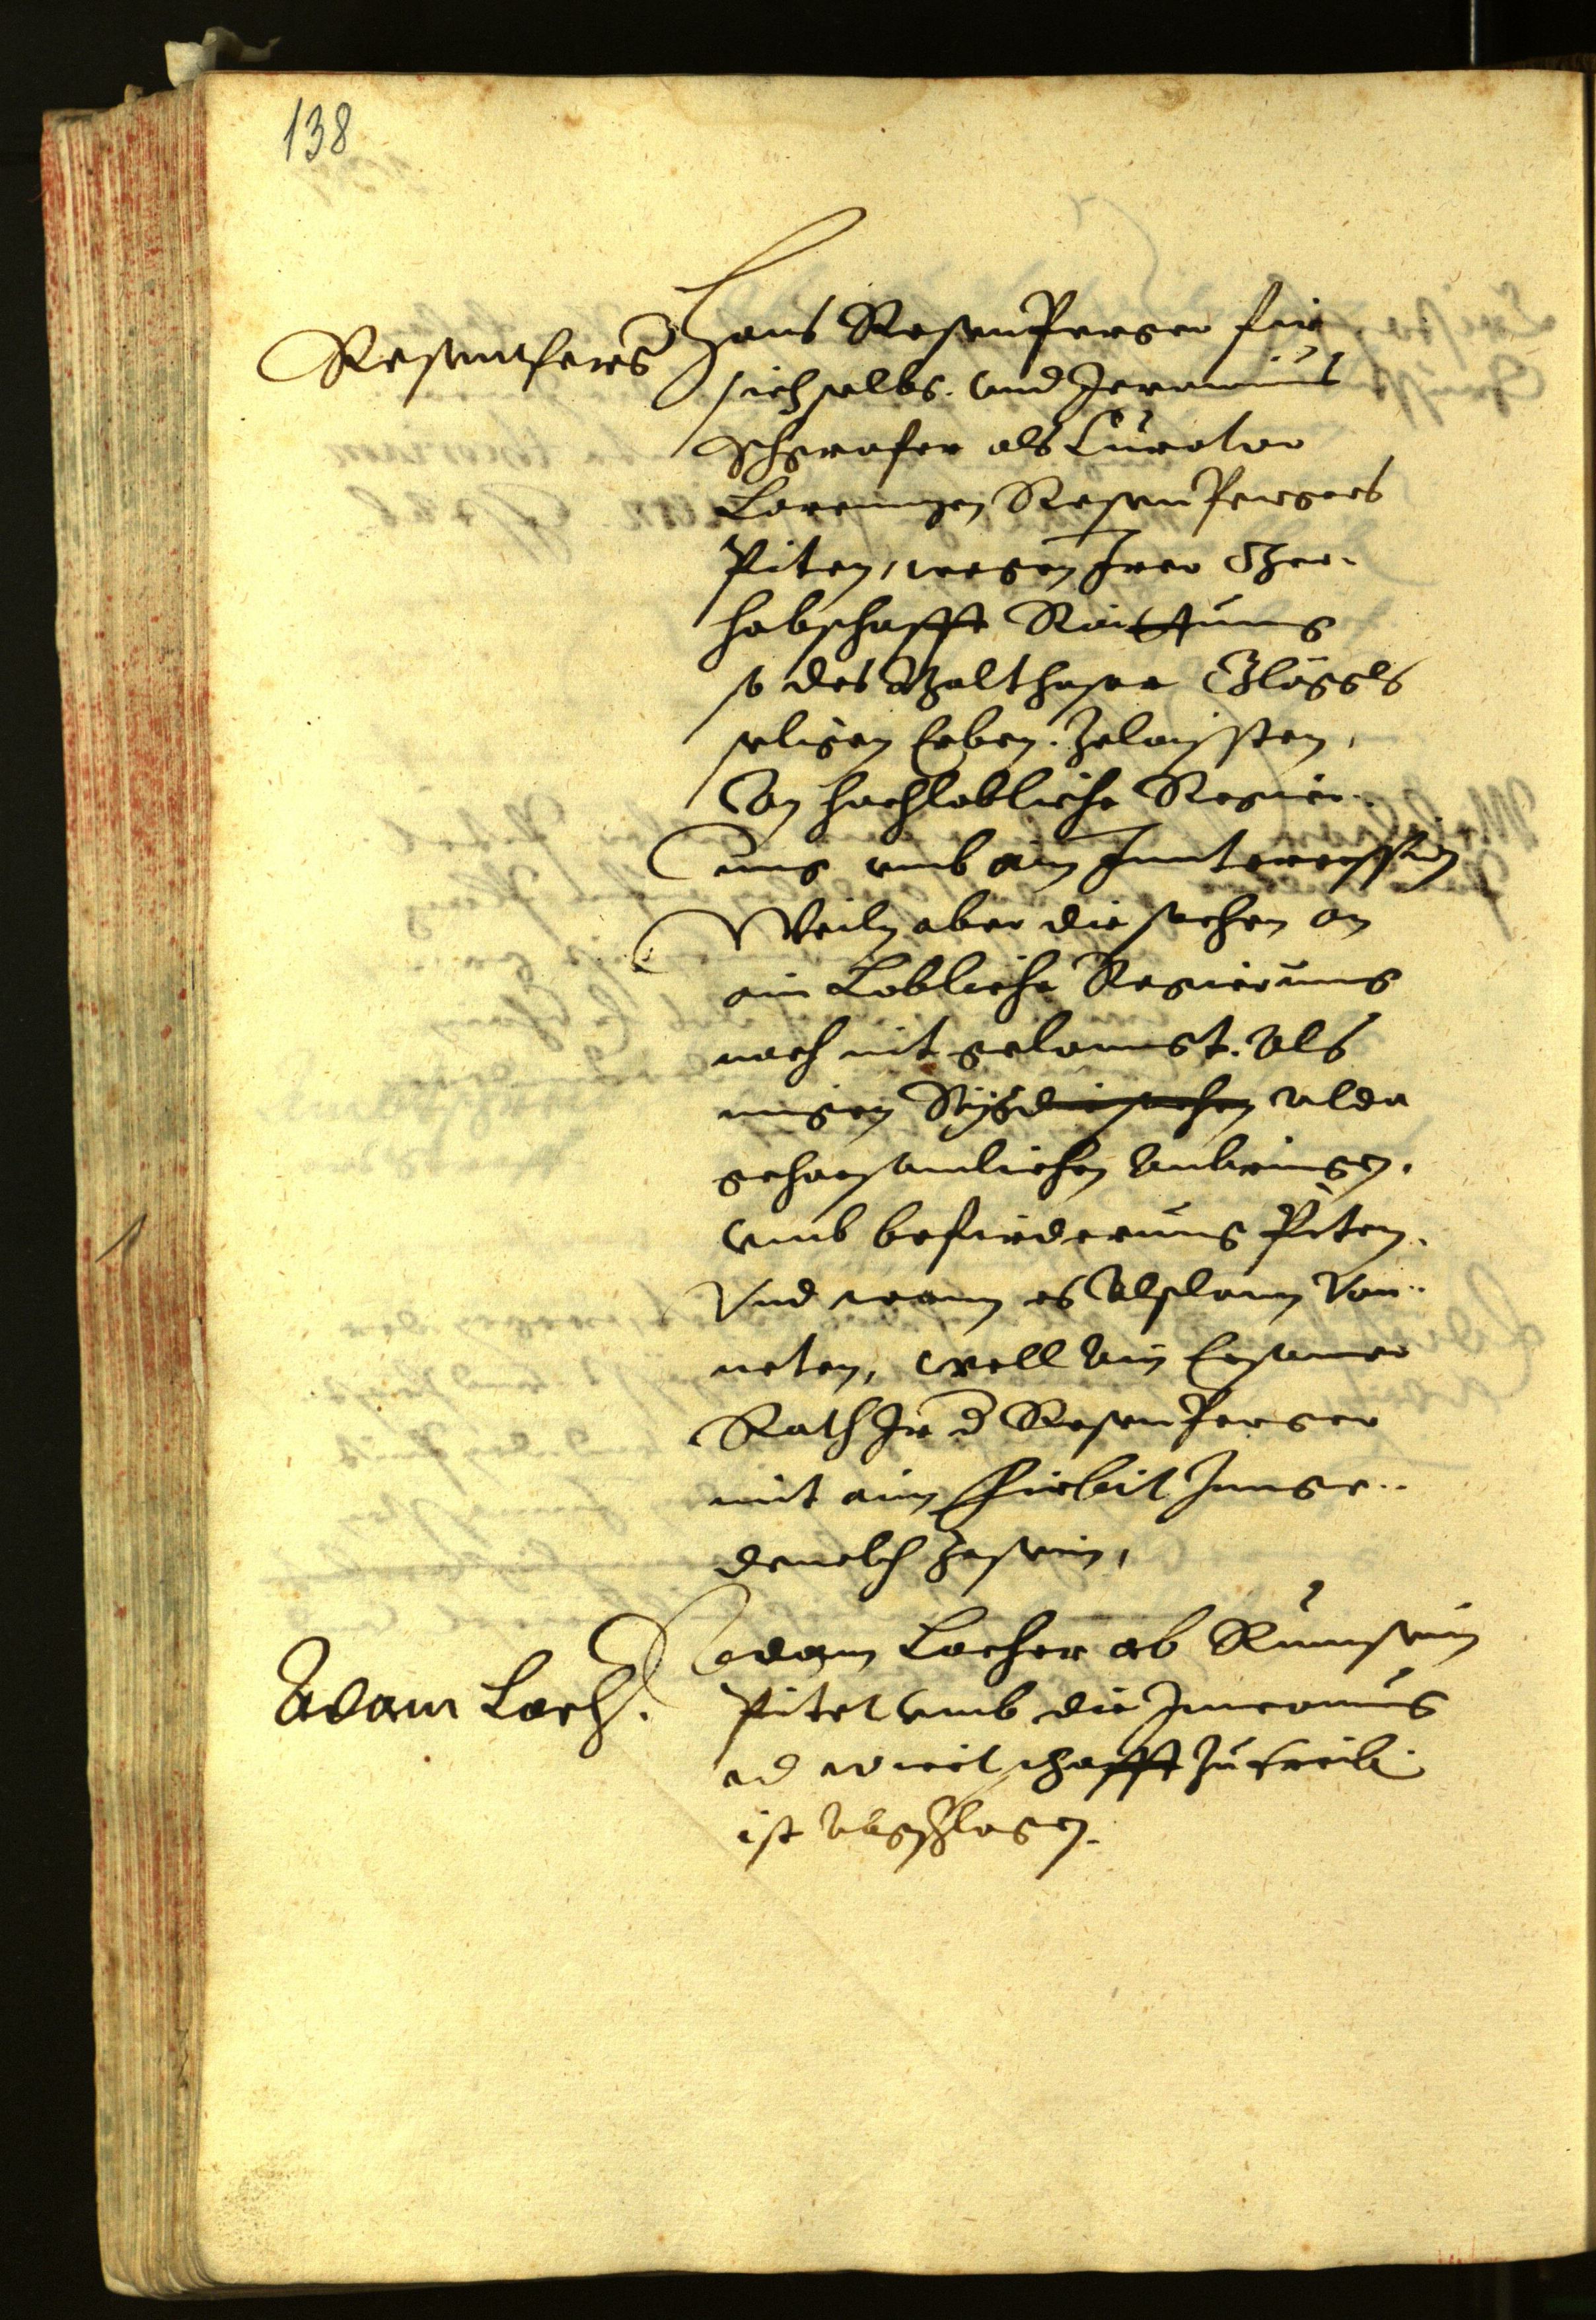138
Hans ResenPerger fir
sich selbs. vnd Jeronimūs
Schgrafer als Cūrator
Lorennzen ResenPergers
Piten, wegen Irer Ger¬
habschafft Raittūng
so des Balthasar Glöggls
seligen Erben. Zelaissten.
An hochlobliche Regier¬
ūng vmb ain Inntercession.
Weiln aber die sachen an
ain Lobliche Regierūng
noch nit gelanngt. Als
migen Sÿs die sachen Alda
gehorsamlichen Anbringen.
vmb befirderūng Piten.
Vnd wann es Alsdann Von¬
neten, well Ain Ersamer
Rath Ir d ResenPerger
mit aim Firbit Innge¬
denckh Zesein,
Adam Locher ob Rūmsein
Pitet vmb die Inwonūng
vnd wiertschafft Zū treib.
ist Abgschlagen.
Resenperg
Adam Loch.